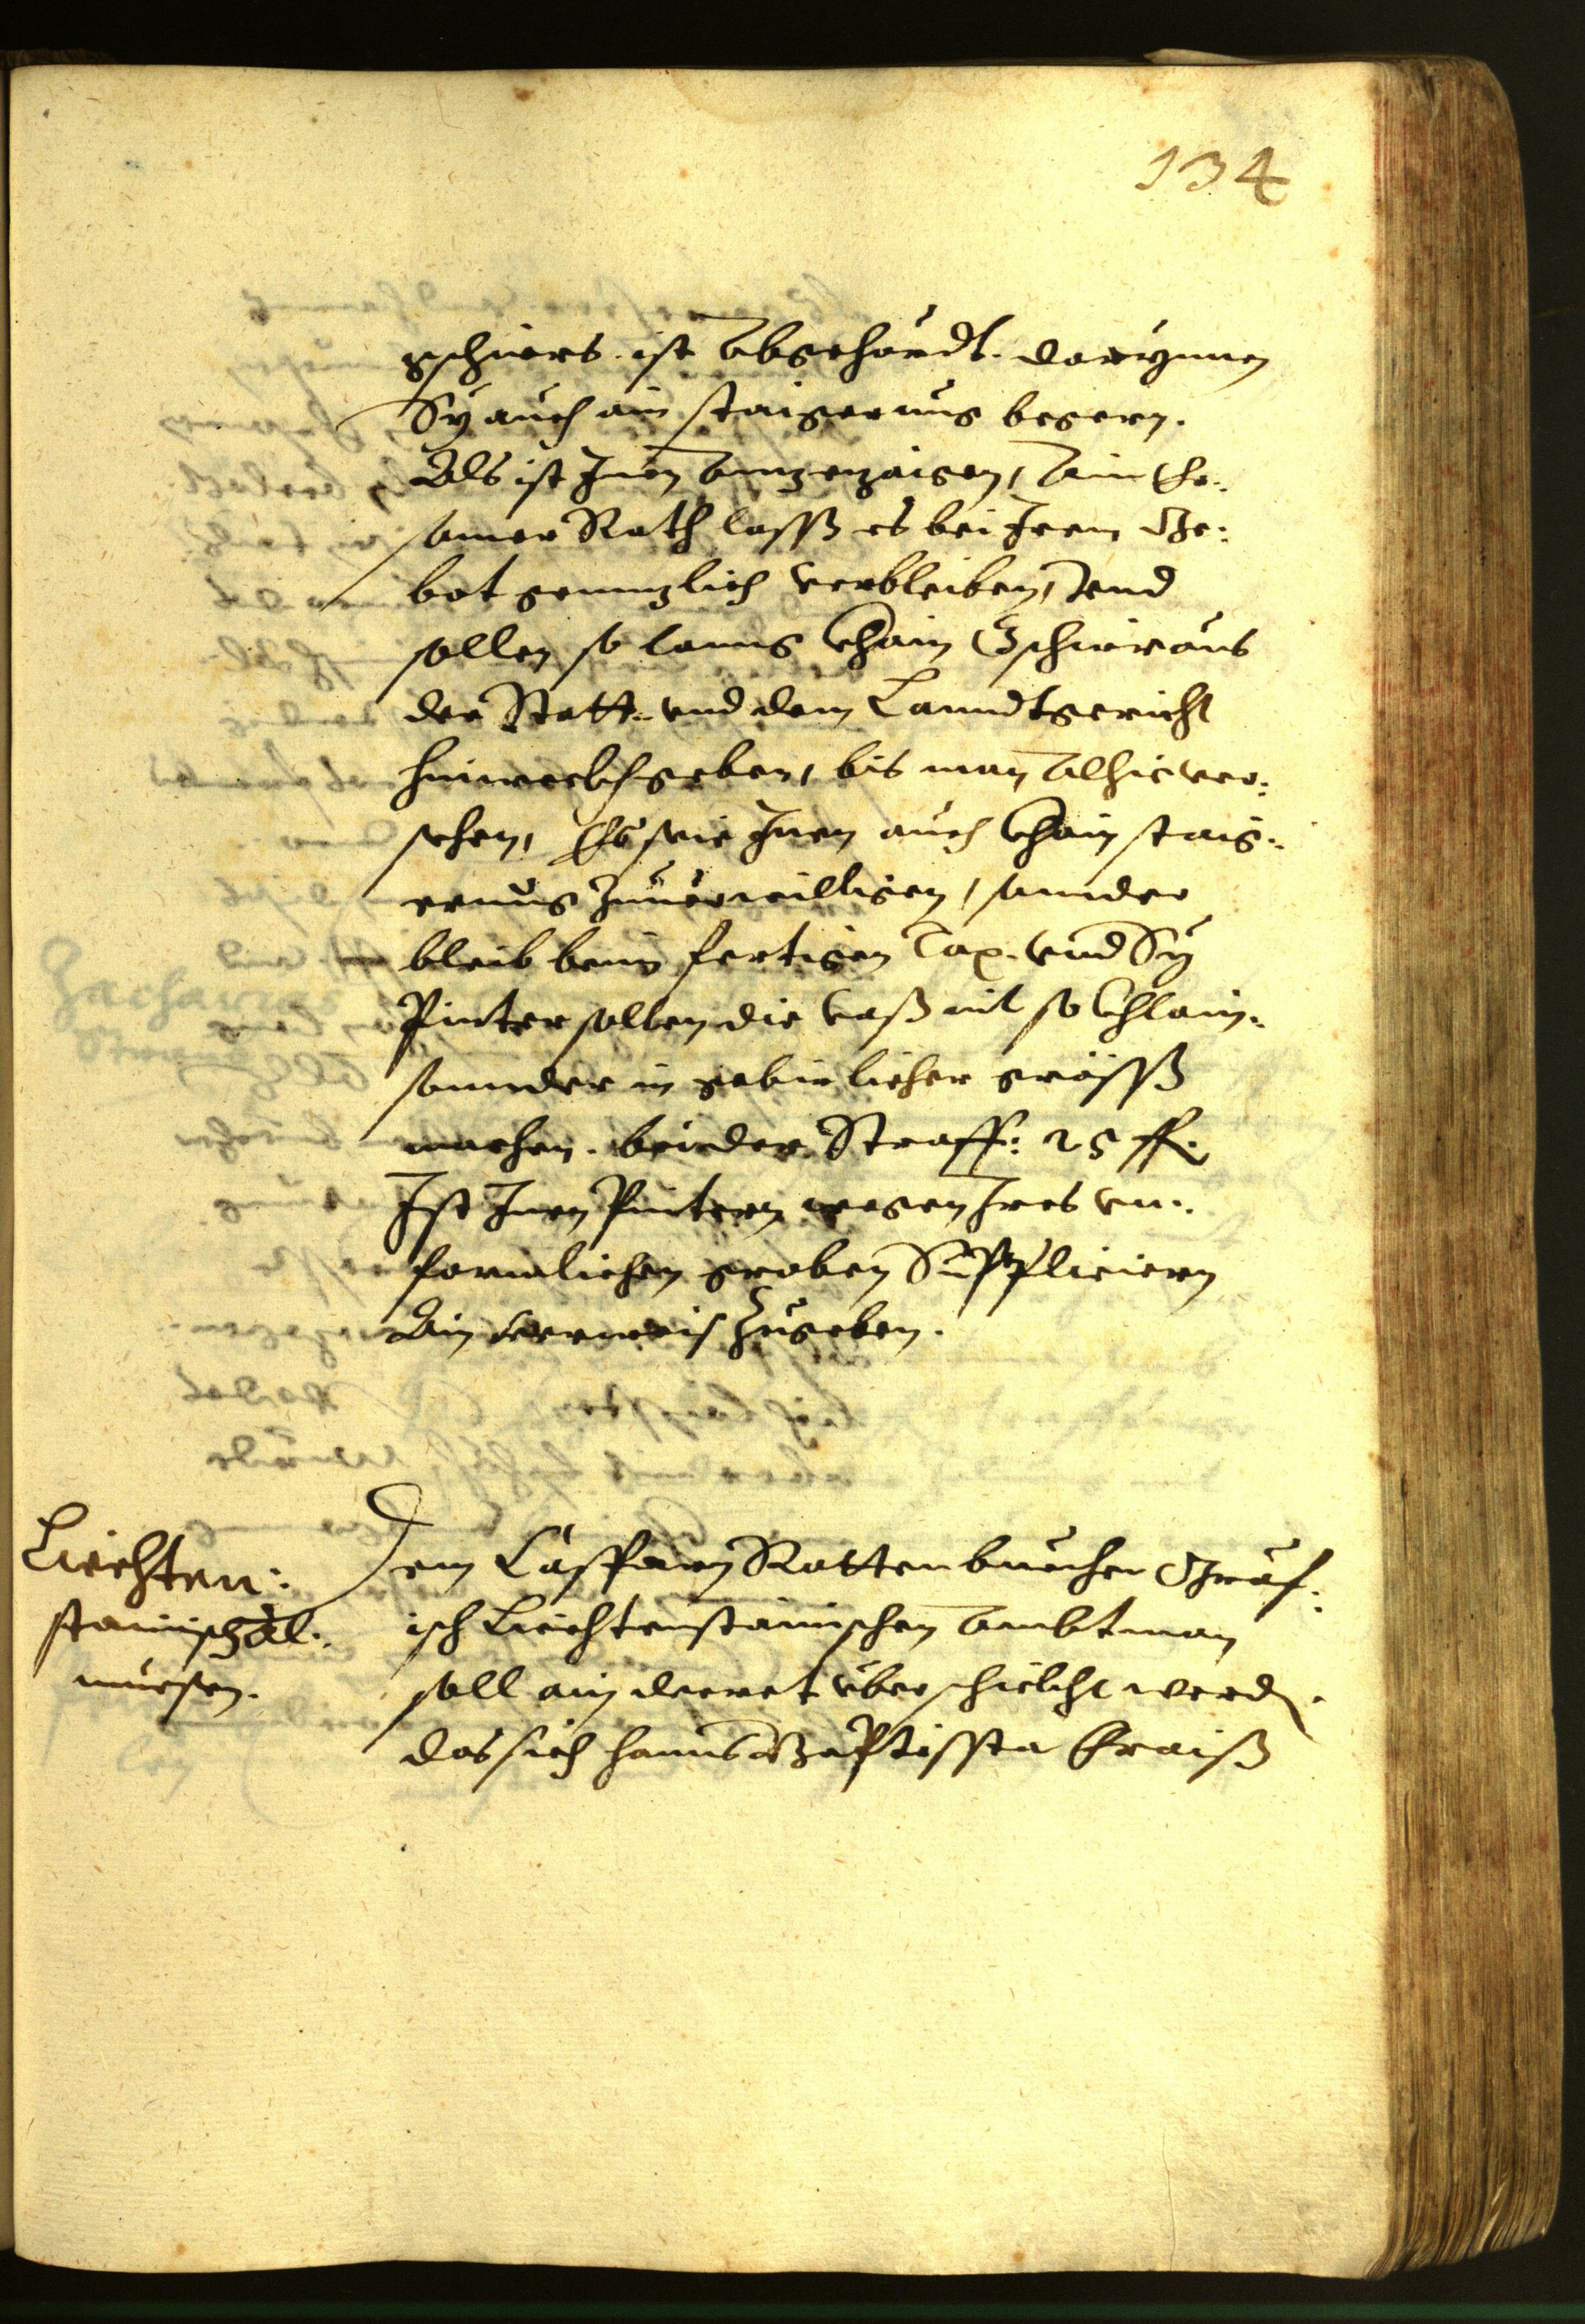134
gschiers. ist Abgehōrdt. darȳnnen
Sȳ aūch ain staigerūng begern.
Als ist Inen Anzezaigen, Ain Er¬
samer Rath lasß es bei Iren Ge¬
bot gennzlich verbleiben, Vnd
sollen so lanng khain Gschirr aūs
der Statt: vnd dem Lanndtgericht
hinweckhgeben, bis man Alhie ver¬
sehen, Es seie Inen aūch khain staig¬
erūng Zūūerwilligen, sonnder
bleib beim fertigen Tax vnd Sȳ
Pinter sollen die vaß nit so khlain¬
sonnder in gebirlicher grösß
machen. beider Straff: 25 fl.
Ist Inen Pintern wegen Ihres vn¬
formlichen groben SūPPliciern
Ain verweis Zūgeben.
Dem Casparn Rottenbūecher Grāf¬
isch Liechtenstainischer Ambtman
soll ain decret v̄ber schickht werd.
das sich Hanns BaPtissta Fraiß
Liechten¬
stainisch Al¬
mūesen.